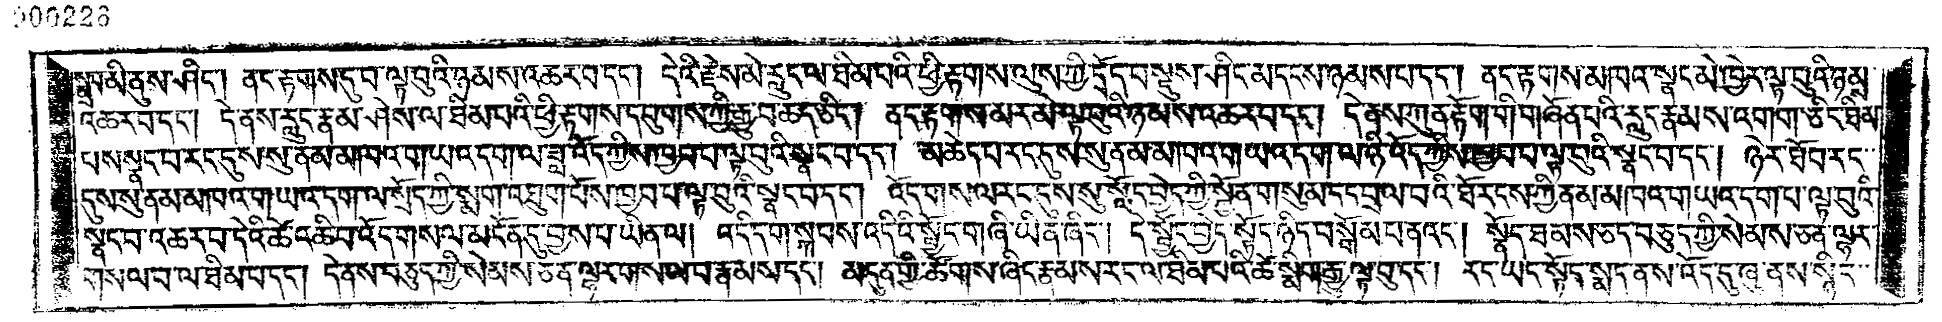སྨྲ་བ་མི་ནུས་ཤིང་། ནང་རྟགས་དུ་བ་ལྟ་བུའི་ཉམས་འཆར་བ་དང་། དེའི་རྗེས་མེ་རླུང་ལ་ཐིམ་པའི་ཕྱི་རྟགས་ལུས་ཀྱི་དྲོད་བསྡུས་ཤིང་མདངས་ཉམས་པ་དང་། ནང་རྟགས་མཁའ་སྣང་མི་ཁྱིར་ལྟ་བུའི་ཉམས་
འཆར་བ་དང་། དེ་ནས་རླུང་རྣམ་ཤེས་ལ་ཐིམ་པའི་ཕྱི་རྟགས་དབུགས་ཀྱི་རྒྱུ་བ་ཆད་ཅིང་། ནང་རྟགས་མར་མེ་ལྟ་བུའི་ཉམས་འཆར་བ་དང་། དེ་ནས་ཀུན་རྟོག་གི་གཞོན་པའི་རླུང་རྣམས་འགག་ཅིང་ཐིམ་
པས་སྣང་བ་རང་དུས་སུ་ནམ་མཁའ་གཡའ་དག་ལ་ཟླ་འོད་ཀྱིས་ཁྱབ་པ་ལྟ་བུའི་སྣང་བ་དང་། མཆེད་པ་རང་དུས་སུ་ནམ་མཁའ་གཡའ་དག་ལ་ཉི་འོད་ཀྱིས་ཁྱབ་པ་ལྟ་བུའི་སྣང་བ་དང་། ཉེར་ཐོབ་རང་
དུས་སུ་ནམ་མཁའ་གཡའ་དག་ལ་སྲོད་ཀྱི་སྨག་འཐུག་པོས་ཁྱབ་པ་ལྟ་བུའི་སྣང་བ་དང་། འོད་གསལ་རང་དུས་སུ་སློད་བྱེད་ཀྱི་སྐྱོན་གསུམ་དང་བྲལ་བའི་ཐོ་རངས་ཀྱི་ནམ་མཁའ་གཡའ་དག་པ་ལྟ་བུའི་
སྣང་བ་འཆར་བ་དེའི་ཚེ་འཆི་བ་འོད་གསལ་མངོན་དུ་བྱས་པ་ཡིན་ལ། འདི་དག་སྐབས་འདིའི་སྦྱོང་གཞི་ཡིན་ཞིང་། དེ་སྦྱོང་བྱེད་སྟོང་ཉིད་བསྒོམ་པ་ནའང་། སྣོད་ཐམས་ཅད་བཅུད་ཀྱི་སེམས་ཅན་ལྷར་
གསལ་བ་ལ་ཐིམ་པ་དང་། དེ་ནས་བཅུད་ཀྱི་སེམས་ཅན་ལྷར་གསལ་བ་རྣམས་དང་། མདུན་གྱི་ཚོགས་ཞིང་རྣམས་རང་ལ་ཐིམ་པའི་ཚེ་སྨིག་རྒྱུ་ལྟ་བུ་དང་། རང་ཡང་སྟོད་སྨད་ནས་འོད་དུ་ཞུ་ནས་སྙིང་